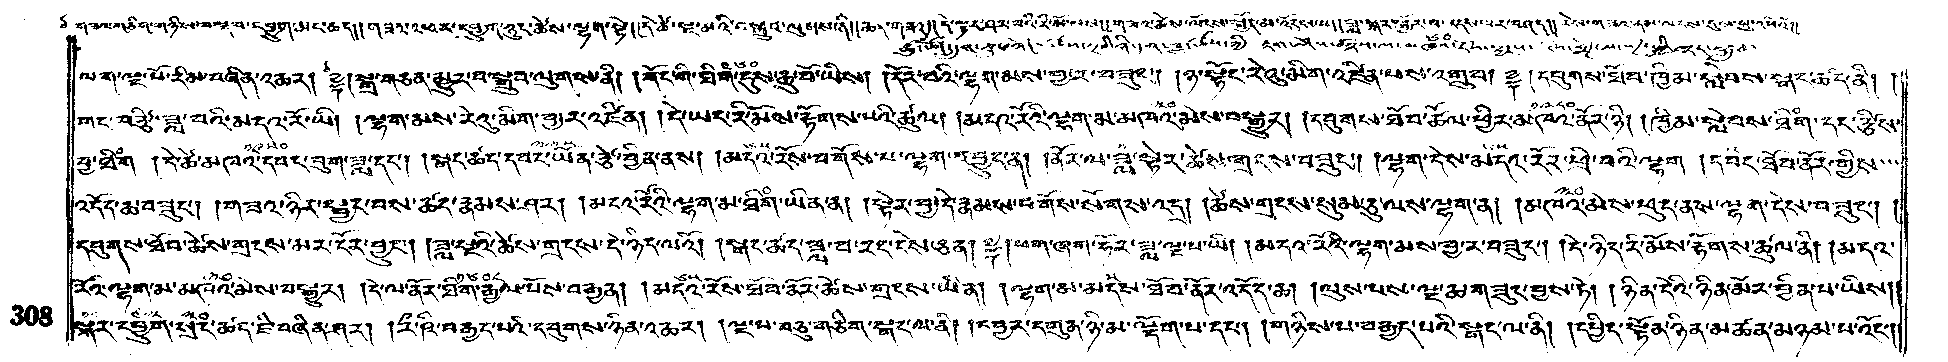ལག་ལྔ་པོ་རིམ་བཞིན་འཆར། ༈ གཟའ་གཅིག་གཉིས་བསྡབ་དབྱུག་མང་ཆད། །གཟའ་འཕར་དབྱུག་ཉུང་ཚེས་ལྷག་སྟེ། །དེ་ཚེ་སྔ་མའི་བསྒྲུབ་ལུགས་ནི། །ཆད་གཟའ། །དེ་ལྟར་ཤར་བའི་རི་མོ་ལས། །གཟའ་ཚེས་ལོངས་སྤྱོད་མ་འོངས་པ། །ཟླ་སྐར་སྦྱོར?་བ་དངས?་པར་བཤད། །རེས་གཟའ་ནམ་ལངས་དུས་སུ་འཕོའོ།། ཚུ་ཚོད་དྲུག་ཅུ་སྟོང་ཆོས་གྲའི་ཉི་དག་ཟླ་ཆོས་ཀྱི་རྟག་ལོངས་བསྟོས?་ལ་མཁའ་རོས་སྦྱངས་རོས་གྲོགས?་ལ་སོགས་ཕྱི?་ལྟར་སྒྲུབ།  །སྒྲ་གཅན་མྱུར་བ་སྒྲུབ་ལུགས་ནི། །གོང་གི་ཐིག་དུས་ཆུ་བོ་ཡིས། །དོར་བའི་ལྷག་མས་བྱ་ར་བཟུང་། །ཉ་སྟོང་རེའུ་མིག་འཛིན་པས་འགྲུབ། ༈ །དབུགས་ཐོབ་ཁྱིམ་སླེབས་སྒང་ཚད་ནི། །
གང་བརྩི་ཟླ་བའི་མདའ་རོ་ཡི། །ལྷག་མས་རེའུ་མིག་བྱ་ར་འཛིན། །དེ་ཡང་རི་མོས་རྟོགས་པའི་ཚུལ། །མདའ་རོའི་ལྷག་མ་མཁའ་མེས་བསྒྱུར། །དབུགས་ཐོབ་ཚོལ་ཕྱིར་མཁའ་ནོར་ཉི། །ཁྱིམ་སླེབས་ཐིག་དང་རྩིས་
བྱ་ཐིགཾ་།དེ་ཚེ་མཁའ་དབང་བུག་ཟླ་དང་། །སྒང་ཚད་དབང་ཡོན་རྩེ་བྱིན་ནས། །མདའ་རོས་བགོས་པ་ལྷག་འབྱུང་ན། །ནོར་ལ་ཟླ་སྟེར་ཚེས་གྲངས་བཟུང་། །ལྷག་དེས་མདའ་རོར་ཕྲི་བའི་ལྷག །དབང་ཐོབ་ནོར་གྱིས་
འདོད་ཆ་བཟུང་། །གཟའ་ཉིར་སྦྱང་བས་ཚད་རྣམས་ཤར། །མདའ་རོའི་ལྷག་མ་ཐིག་ཡིན་ན། །སྟེར་བྱ་དེ་རྣམས་བགོས་སོགས་འདྲ། །ཚེས་གྲངས་སུམ་ཅུ་ལས་ལྷག་ན། །མཁའ་མེས་ཕུད་ནས་ལྷག་དེས་བཟུང་། །
དབུགས་ཐོབ་ཚེས་གྲངས་མར་དོར་བྱུང་། །ཟླ་སྔའི་ཚེས་གྲངས་དེ་ཉིད་ལའོ། །སྒང་ཚད་ཟླ་བ་རང་ངེས་ཅན། ༈ །ཕག་ཞག་ཧོར་ཟླ་ལྔ་པ་ཡི། །མདའ་རོའི་ལྷག་མས་བྱ་ར་བཟུང་། །དེ་ཉིད་རི་མོས་རྟོགས་ཚུལ་ནི། །མདའ་
རོའི་ལྷག་མ་མཁའ་མེས་བསྒྱུར། །དེ་ལ་ནོར་ཐིག་རྒྱལ་པོས་བརྒྱན། །མདའ་རོས་ཐོབ་ནོར་ཚེས་གྲངས་ཡིན། །ལྷག་མ་མདས་ཐོབ་ནོར་འདོད་ཆ། །ལུས་པས་ལྔ་ཆ་གཟུང་བྱས་ཏེ། །ཉིན་དེའི་ཉིན་མོར་བྱིན་པ་ཡིས། །
སྐར་དབྱུག་སྲང་ཚད་ཇི་བཞིན་ཤར། །རྀ་ཥི་བརྒྱད་པའི་དབུགས་ཉིན་འཆར། །ལྔ་པ་བཅུ་གཅིག་སྒང་ལ་ནི། །དབྱར་དགུན་ཉི་མ་ལྡོག་པ་དང་། །གཉིས་པ་བརྒྱད་པའི་སྒང་ལ་ནི། །དཔྱིད་སྟོན་ཉིན་མཚན་མཉམ་པ་འོང་།